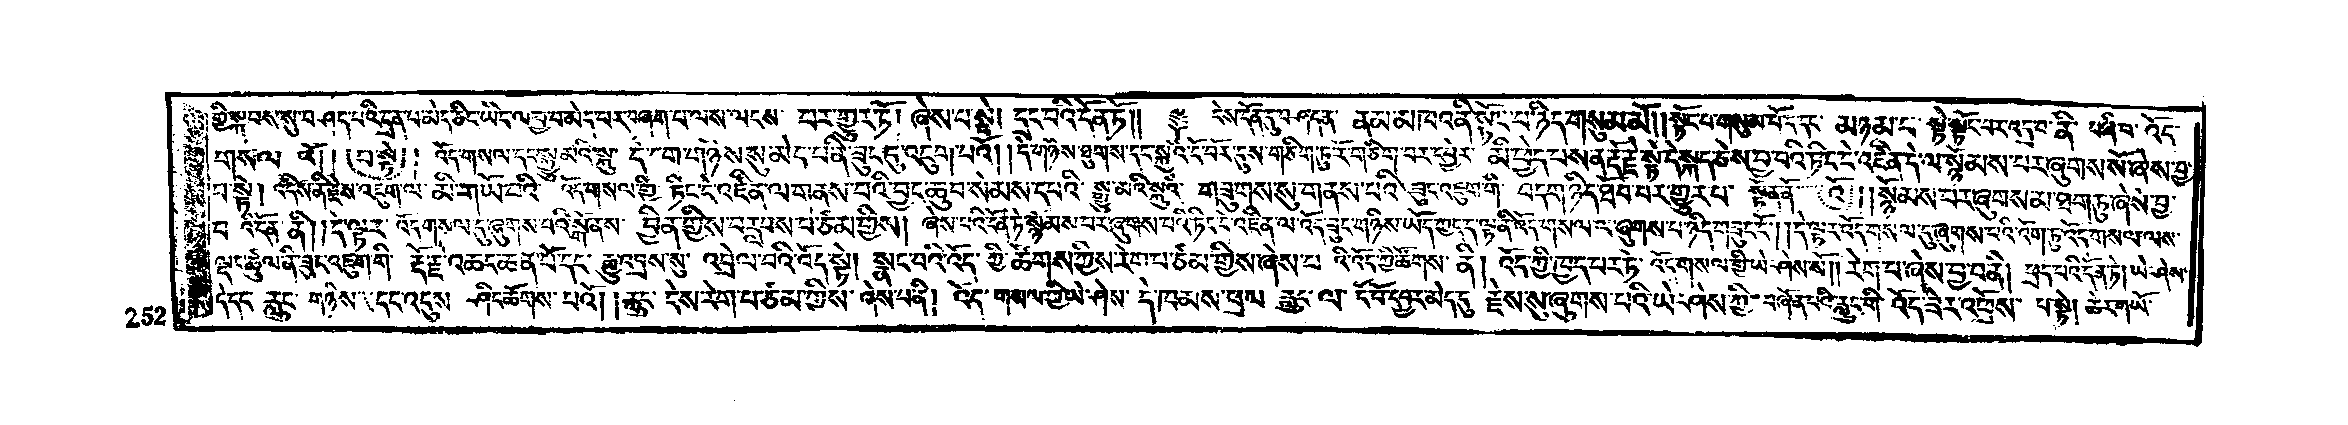གྱི་སྐབས་སུ་བཤད་པའི་དྲན་པ་མེད་ཅིང་ཡིད་ལ་བྱ་བ་མེད་པར་བཞག་པ་ལས་ལངས་པར་གྱུར་ཏོ། ཞེས་པ་སྟེ། དྲང་པའི་དོན་ཏོ།། ༈ ངེས་དོན་དུ་བཤད་ན་ནམ་མཁའ་ནི་སྟོང་པ་ཉིད་གསུམ་མོ། ། སྟོང་པ་གསུམ་པོ་དེ་དང་མཉམ་པ་སྟེ་སྟོང་པར་འདྲ་བ་ནི་བཞི་པ་འོད་
གསལ་ལོ། །བ་སྟེ། འོད་གསལ་དང་སྒྱུ་མའི་སྐུ་དེ་དག་གཉིས་སུ་མེད་པ་ནི་ཟུང་དུ་འཇུག་པའོ། ། དེ་གཉིས་ཐུགས་དང་སྐུའི་ངོ་བོར་དུས་གཅིག་ཏུ་རོ་གཅིག་པར་དབྱེར་མི་ཕྱེད་པས་ན་རྡོ་རྗེ་སྟེ་དེ་སྐད་ཅེས་བྱ་བའི་ཏིང་ངེ་འཛིན་དེ་ལ་སྙོམས་པར་ཞུགས་སོ་ཞེས་བྱ་
བ་སྟེ། འདིས་ནི་རྗེས་འཇུག་ལ་མི་གཡོ་བའི་འོད་གསལ་གྱི་ཏིང་ངེ་འཛིན་ལ་གནས་པའི་བྱང་ཆུབ་སེམས་དཔའི་སྒྱུ་མའི་སྐུའི་གཟུགས་སུ་གནས་པའི་ཟུང་འཇུག་གི་བདག་ཉིད་ཐོབ་པར་གྱུར་བ་སྟོན་ནོ་འོ། །སྙོམས་པར་ཞུགས་མ་ཐག་ཏུ་ཞེས་བྱ་
བའི་དོན་ནི། །དེ་ལྟར་འོད་གསལ་དུ་ཞུགས་པའི་སྒོ་ནས་བྱིན་གྱིས་བརླབས་པ་ཙམ་གྱིས། ཞེས་པའི་དོན་ཏེ་སྙོམས་པར་ཞུགས་པའི་ཏིང་ངེ་འཛིན་ལ་འོད་ཟུང་གཉིས་ཡོད་ཀྱང་ད་ལྟ་ནི་འོད་གསལ་ལ་ཞུགས་པ་ཉིད་གཟུང་ངོ། །དེ་ལྟར་འོད་གསལ་དུ་ཞུགས་པའི་འོག་ཏུ་འོད་གསལ་ལས་
ལྡང་ཚུལ་ནི་ཟུང་འཇུག་གི་རྡོ་རྗེ་འཆང་ཆེན་པོ་དང་རྒྱུ་འབྲས་སུ་འབྲེལ་བའི་འོད་སྟེ། སྣང་བའི་འོད་ཀྱི་ཚོགས་ཀྱིས་རེག་པ་ཙམ་གྱིས་ཞེས་པའི་འོད་ཀྱི་ཚོགས་ནི། འོད་ཀྱི་ཁྱད་པར་ཏེ་འོད་གསལ་གྱི་ཡེ་ཤེས་སོ། །རེག་པ་ཞེས་བྱ་བ་ནི། ཕྲད་པའི་དོན་ཏེ། ཡེ་ཤེས་
དེ་དང་རླུང་གཉིས་དང་འདུས་ཤིང་ཆོགས་པའོ། །རླུང་དེས་རེག་པ་ཙམ་གྱིས་ཞེས་པ་ནི། འོད་གསལ་གྱི་ཡེ་ཤེས་དེ་ཁམས་ཕྲ་བ་རླུང་ལ་ངོ་བོ་དབྱར་མེད་དུ་རྗེས་སུ་ཞུགས་པའི་ཡེ་ཤེས་ཀྱི་བཞོན་པའི་རླུང་གི་འོད་ཟེར་འཕྲོས་པ་སྟེ། ཆེར་གཡོས